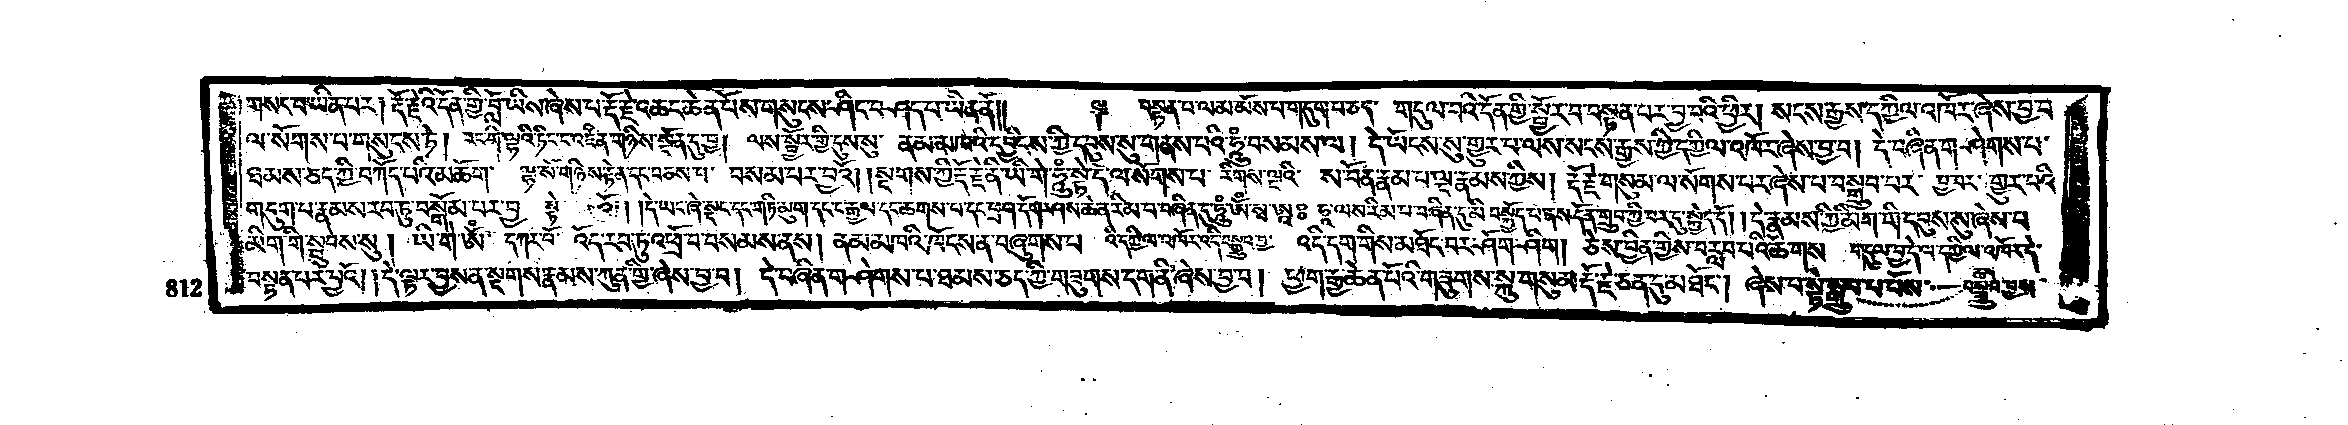གསང་བ་ཡིན་པར། རྡོ་རྗེའི་དོན་གྱི་བློ་ཡིས་ཞེས་པ་རྡོ་རྗེ་འཆང་ཆེན་པོས་གསུངས་ཤིང་བཤད་པ་ཡིན་ནོ།། ༈ བསྟན་པ་ལམ་མོས་པ་གདུག་པ་ཅད་གདུལ་བའི་དོན་གྱི་སྦྱོར་བ་བསྟན་པར་བྱ་བའི་ཕྱིར། སངས་རྒྱས་དཀྱིལ་འཁོར་ཞེས་བྱ་བ་
ལ་སོགས་པ་གསུངས་ཏེ། རང་གི་ལྷའི་ཏིང་ངེ་འཛིན་གཉིས་སྔོན་དུ་བྱ། ལས་སྦྱོར་གྱི་དུས་སུ་ནམ་མཁའི་དབྱིངས་ཀྱི་དབུས་སུ་གནས་པའི་ཧཱུཾ་བསམས་ལ། དེ་ཡོངས་སུ་གྱུར་པ་ལས་སངས་རྒྱས་ཀྱི་དཀྱིལ་འཁོར་ཞེས་བྱ་བ། དེ་བཞིན་གཤེགས་པ་
ཐམས་ཅད་ཀྱི་བཀོད་པའི་མཆོག་ལྷ་སོ་གཉིས་རྟེན་དང་བཅས་པ་བསམ་པར་བྱའོ། །སྔགས་ཀྱི་རྡོ་རྗེ་ནི་ཡི་གེ་ཧཱུཾ་སྟེ་དེ་ལ་སོགས་པ་རིགས་ལྔའི་ས་བོན་རྣམས་པ་ལྔ་རྣམས་ཀྱིས། རྡོ་རྗེ་གསུམ་ལ་སོགས་པར་ཞེས་པ་བསྒྲུབ་པར་བྱ་བར་གྱུར་པའི་
གདུག་པ་རྣམས་རབ་ཏུ་བསྒོམ་པར་བྱ་སྟེ་འོ། །དེ་ཡང་ཞེ་སྡང་དང་གཏི་མུག་དང་ང་རྒྱལ་དང་ཆགས་པ་དང་ཕྲག་དོག་ཤས་ཆེན་རིམ་པ་བཞིན་དུ་ཧཱུཾ་ཨོཾ་སྭ་ཨཱཿ ཧཱ་ལས་རིམ་པ་བཞིན་དུ་མི་བསྐྱོད་པ་ནས་དོན་གྲུབ་ཀྱི་བར་དུ་སྐྱེད་དོ།  །དེ་རྣམས་ཀྱི་མིག་གི་དབུས་སུ་ཞེས་པ་
མིག་གི་སྒྲུབས་སུ། ཡི་གེ་ཨོཾ་དཀར་པོ་འོད་རབ་ཏུ་འཕྲོ་བ་བསམས་ནས། ནམ་མཁའི་ཁོངས་ན་བཞུགས་པའི་དཀྱིལ་འཁོར་འདི་བསྒྲུབ་བྱ་འདི་དག་གིས་མཐོང་བར་ཤོག་ཤིག །ཅེས་བྱིན་གྱིས་བརླབ་པའི་ཚོགས་གདུལ་བྱ་དེ་ལ་དཀྱིལ་འཁོར་དེ་
བསྟན་པར་བྱའོ། །དེ་ལྟར་བྱས་ན་སྔགས་རྣམས་ཀུན་གྱི་ཞེས་བྱ་བ། །དེ་བཞིན་གཤེགས་པ་ཐམས་ཅད་ཀྱི་གཟུགས་དག་ནི་ཞེས་བྱ་བ། ཕྱག་རྒྱ་ཆེན་པོའི་གཟུགས་སྐུ་གསུམ་རྡོ་རྗེ་ཅན་དུ་མཐོང་། ཞེས་པ་སྟེ་སྒྲུབ་པ་པོསཿ་ཆབ་བསྒྲུབ་བྱས་